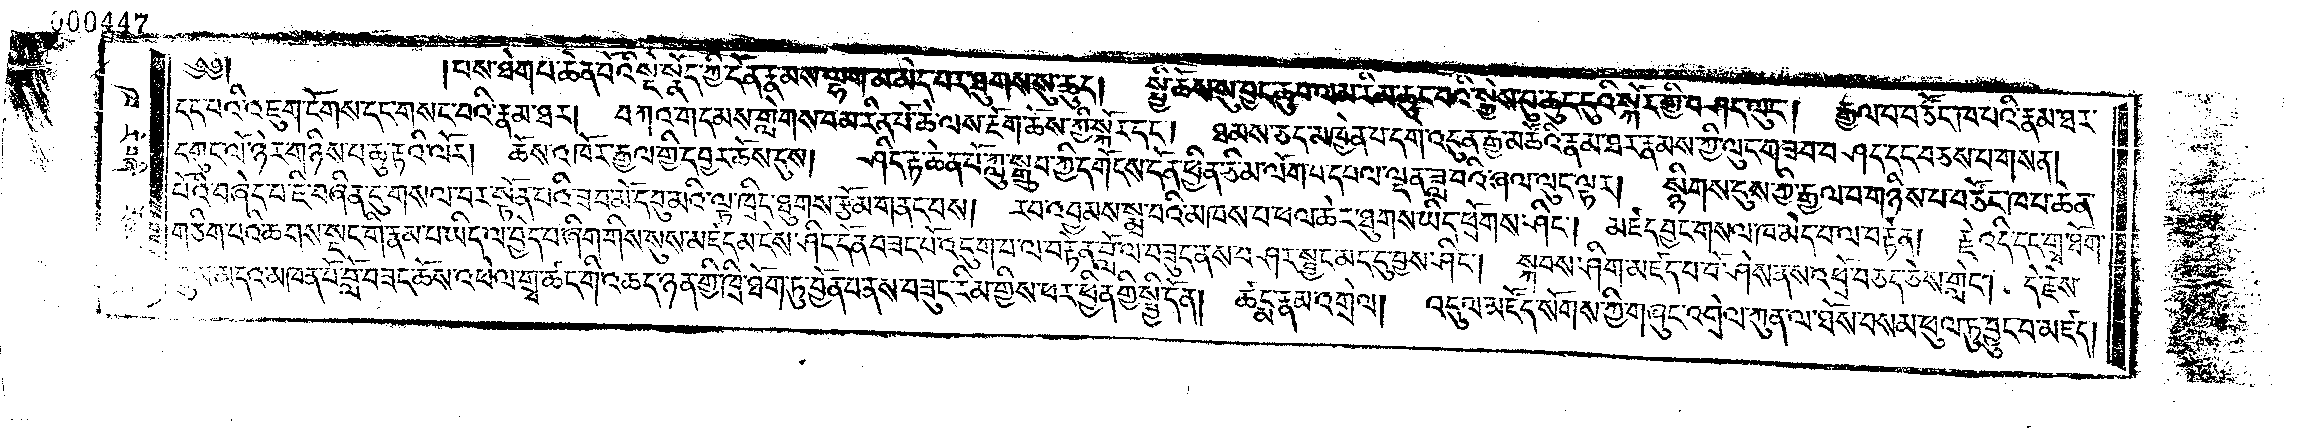༄༅། །པས་ཐེག་པ་ཆེན་པོའི་སྡེ་སྣོད་ཀྱི་དོན་རྣམས་ལྷག་མ་མེད་པར་ཐུགས་སུ་ཆུད། སྤྱི་ཆོས་སུ་བྱང་ཆུབ་ལམ་རིམ་ཆུང་བའི་སྐྱེས་བུ་ཆུང་ངུའི་སྐོར་གྱི་བཤད་ལུང་། རྒྱལ་བ་བཙོང་ཁ་པའི་རྣམ་ཐར་
དད་པའི་འཇུག་ངོགས་དང་གསང་བའི་རྣམ་ཐར། བཀའ་གདམས་གླེགས་བམ་རིན་པོ་ཆེ་ལས་རྡོག་ཆོས་ཀྱི་སྐོར་དང་། ཐམས་ཅད་མཁྱེན་པ་དགེ་འདུན་རྒྱ་མཚོའི་རྣམ་ཐར་རྣམས་ཀྱི་ལུང་གཟབ་བཤད་དང་བཅས་པ་གསན།
དགུང་ལོ་ཉེར་གཉིས་པ་ཆུ་རྟའི་ལོར། ཆོས་འཁོར་རྒྱལ་གྱི་དབྱར་ཆོས་དུས། ཤིང་རྟ་ཆེན་པོ་ཀླུ་སྒྲུབ་ཀྱི་དགོངས་དོན་ཕྱིན་ཅི་མ་ལོག་པ་དཔལ་ལྡན་ཟླ་བའི་ཞལ་ལུད་ལྟར། སྙིགས་དུས་ཀྱི་རྒྱལ་བ་གཉིས་པ་བཙོང་ཁ་བ་ཆེན་
པོའི་བཞེད་པ་ཇི་བཞིན་དུ་གསལ་བར་སྟོན་པའི་ཟབ་མོ་དབུ་མའི་ལྟ་ཁྲིད་ཐུགས་རྩོམ་གནང་པས། རབ་འབྱམས་སྨྲ་བའི་མཁས་པ་ཕལ་ཆེར་ཐུགས་ཡིད་ཕྲོགས་ཤིང་། མཛད་བྱང་གསལ་ཁ་མེད་པ་ལ་བརྟེན། རྗེ་འདི་དང་གྲྭ་ཐོག་
གཅིག་པའི་ཆགས་སྡང་གི་རྣམ་པ་ཡིད་ལ་བྱེད་བ་ཞིག་གིས་སུས་མཛད་མ་ངེས་ཤིང་དོན་བཟང་པོ་འདུག་པ་ལ་བརྟེན་བློ་ལ་བཟུང་ནས་བཤར་སྦྱང་མང་དུ་བྱས་ཤིང་། སྐབས་ཤིག་མཛད་པ་བོ་ཤེས་ནས་འཕྲོ་བཅད་ཅེས་གླེང་། དེ་རྗེས་
གྲུམ་མདའ་མཁན་པོ་བློ་བཟང་ཆོས་འཕེལ་གྲྭ་ཚང་གི་འཆད་ཉན་གྱི་ཁྲི་ཐོག་ཏུ་བྱོན་པ་ནས་བཟུང་རིམ་གྱིས་ཕར་ཕྱིན་གྱི་སྤྱི་དོན། ཚང་མ་རྣམ་འགྲེལ། འདུལ་མཛོད་སོགས་ཀྱི་གཞུང་འགྲེལ་ཀུན་ལ་ཐོས་བསམ་ཕུལ་ཏུ་བྱུང་བ་མཛད།